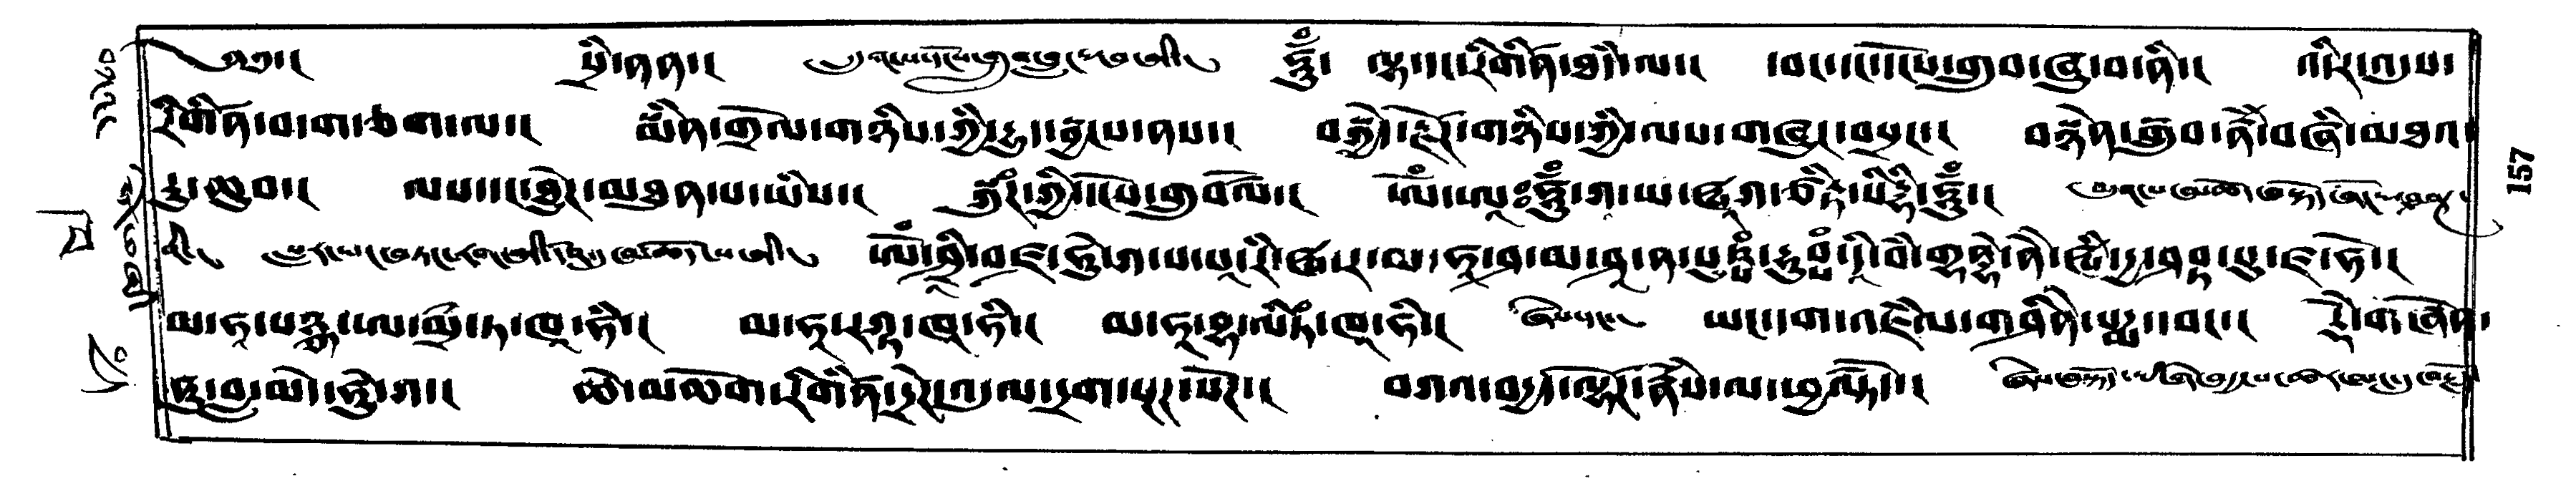སྲི་ནན། དྲུག་པ་དངོས་གྲུབ་བླང་བ་ནི། ཧཱུྃ། ལྷ་དང་རིག་འཛིན་ཐམས་ཅད་ལ། །དབང་དང་དངོས་གྲུབ་ཞུ་བ་ནི། །འདིར་འདུས་
རིག་འཛིན་བདག་ཅག་ལ། །སྨིན་གྲོལ་གཉིས་ཀྱིས་རྒྱུད་སྦྱངས་ནས། །བསྐྱེད་རྫོགས་གཉིས་ཀྱིས་ལས་གཞུང་བསྲང་། །བསྙེན་སྒྲུབ་རྣམ་བཞི་མཐའ་
རུ་ཆུབ། །ལས་དང་ཐུགས་རྗེ་མཐུན་པ་ཡིས། །སྐུ་གསུང་ཐུགས་ཀྱི་དངོས་གྲུབ་སྩོལ།། ཨོཾ་ཨཱཿཧཱུྃ་ཀཱ་ཡ་ཝཱ་ཀ་ཙིཏྟ་སིདྡྷི་ཧཱུྃ། བདུན་པ་མཆོད་བསྟོད་ནཽངས་བཤགས་
ནི། སླར་ཡང་གཏང་རག་གི་དོན་དུ་མཆོད་པ་ནི། ཨོཾ་ཤྲཱི་བཛྲ་ཧེ་རུ་ཀ་ས་པཱ་རི་ཝ་ར་མ་ཧཱ་ཤ་མ་ཤཱ་ན་པུཥྤཾ་དྷུབཔཾ་དཱི་བཾ་གྷནདྷེ་ནཻ་ཝི་དྱ་ཤབྟ་པུ་ཛ་ཧོ། 
མ་ཧཱ་པཉྩ་ཨ་མྲྀ་ཏ་ཁཱ་ཧི། མ་ཧཱ་རཀྟ་ཁཱ་ཧི། མ་ཧཱ་བྷ་ལིང་ཏ་ཁཱ་ཧི། ཞེས་དང་། ཡང་དག་འཇམ་དཔལ་གཤིན་རྗེ་པདྨ་དབང་། །རྡོ་རྗེ་གཞོན་
ནུ་བླ་མེད་ཧེ་རུ་ཀ །ཆེ་མཆོག་རིག་འཛིན་དྲེགས་འདུལ་དྲག་སྔགས་སོགས། །བཀའ་བརྒྱད་ལྷ་ཚོགས་རྣམས་ལ་ཕྱག་འཚལ་ལོ།།ཞེས་བསྟོད་ཡི་གེ་བརྒྱ་པ་ཚར་མང་དུ་བརྗོད་